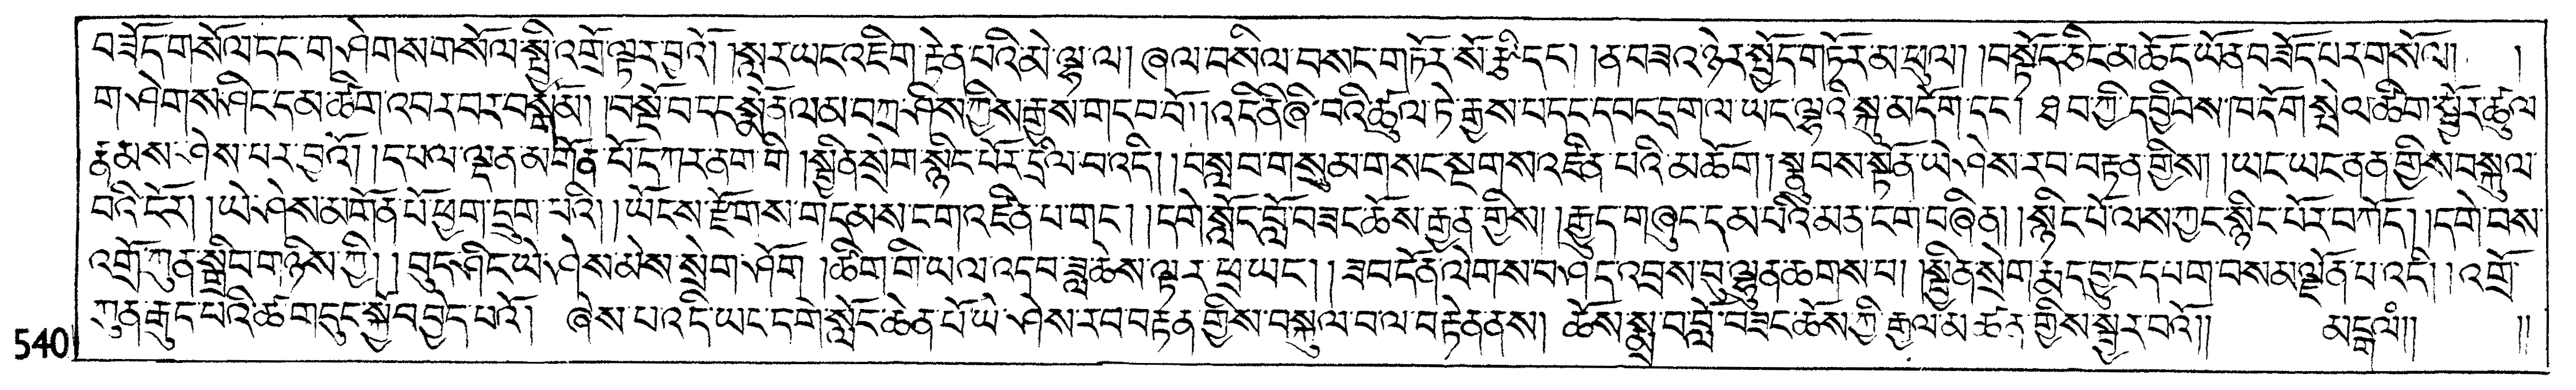བཟོད་གསོལ་དང་གཤེགས་གསོལ་སྤྱི་འགྲོ་ལྟར་བྱའོ། །སླར་ཡང་འཇིག་རྟེན་པའི་མེ་ལྷ་ལ། ཞལ་བསིལ་བསང་གཏོར་སོ་རྩི་དང་། །ན་བཟའ་ཉེར་སྤྱོད་གཏོར་མ་ཕུལ། །བསྟོད་ཅིང་མཆོད་ཡོན་བཟོད་པར་གསོལ། །
གཤེགས་ཤིང་དམ་ཚིག་འབར་བར་བསྒོམ། །བསྔོ་བ་དང་སྨོན་ལམ་བཀྲ་ཤིས་ཀྱིས་རྒྱས་གདབ་བོ། །འདི་ནི་ཞི་བའི་ཚུལ་ཏེ་རྒྱས་པ་དང་དབང་དྲག་ལ་ཡང་ལྷའི་སྐུ་མདོག་དང་། ཐབ་ཀྱི་དབྱིབས་ཁ་དོག་སྤེལ་ཚིག་སྦྱོར་ཚུལ་
རྣམས་ཤེས་པར་བྱའོ། །དཔལ་ལྡན་མགོན་པོ་དཀར་ནག་གི །སྦྱིན་སྲེག་སྙིང་པོར་དྲིལ་བ་འདི། །བསླབ་གསུམ་གསང་སྔགས་འཛིན་པའི་མཆོག །སྣུབས་སྟོན་ཡེ་ཤེས་རབ་བརྟན་གྱིས། །ཡང་ཡང་ནན་གྱིས་བསྐུལ་
བའི་ངོར། །ཡེ་ཤེས་མགོན་པོ་ཕྱག་དྲུག་པའི། །ཡོངས་རྫོགས་གདམས་ངག་འཛིན་པ་གང་། །དགེ་སློང་བློ་བཟང་ཆོས་རྒྱན་གྱིས། །རྒྱུད་གཞུང་དམ་པའི་མན་ངག་བཞིན། །སྙིང་པོ་ལས་ཀྱང་སྙིང་པོར་བཀོད། །དགེ་བས་
འགྲོ་ཀུན་སྒྲིབ་གཉིས་ཀྱི། །བུད་ཤིང་ཡེ་ཤེས་མེས་སྲེག་ཤོག །ཚིག་གི་ཡལ་འདབ་ཟླ་ཆེས་ལྟར་ཕྲ་ཡང་། །ཟབ་དོན་ལེགས་བཤད་འབྲས་བུ་ལྷུན་ཆགས་པ། །སྦྱིན་སྲེག་རྨད་བྱུང་དཔག་བསམ་ལྗོན་པ་འདི། །འགྲོ་
ཀུན་རྒུད་པའི་ཚ་གདུང་སྐྱོབ་བྱེད་པའོ། ཞེས་པ་འདི་ཡང་དགེ་སློང་ཆེན་པོ་ཡེ་ཤེས་རབ་བརྟན་གྱིས་བསྐུལ་བ་ལ་བརྟེན་ནས། ཆོས་སྨྲ་བ་བློ་བཟང་ཆོས་ཀྱི་རྒྱལ་མཚན་གྱིས་སྦྱར་བའོ། །མངྒལཾ།། །།